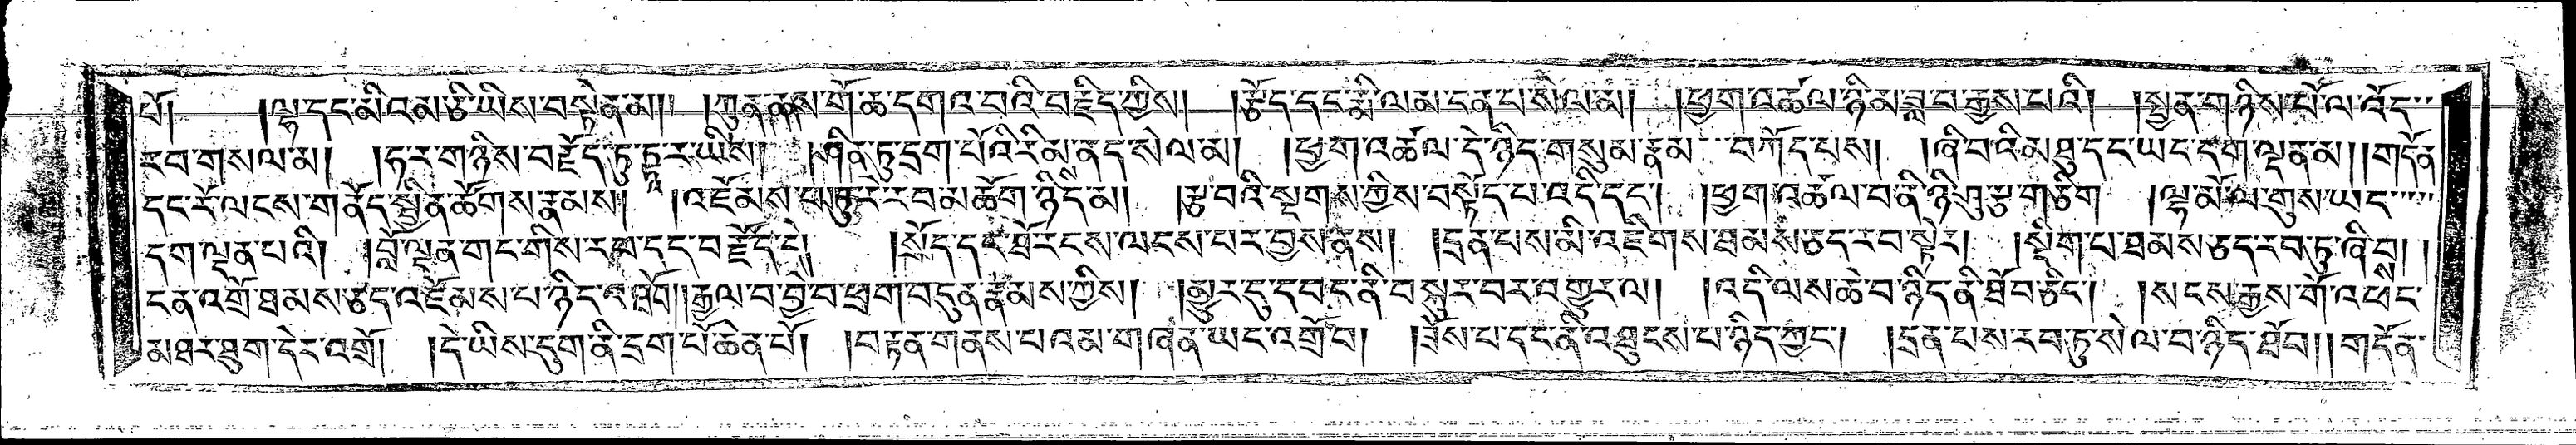པོ། །ལྷ་དང་མིའམ་ཅི་ཡིས་བསྟེན་མ། །ཀུན་ནས་གོ་ཆ་དགའ་བའི་བརྗིད་ཀྱིས། །རྩོད་དང་རྨི་ལམ་ངན་པ་སེལ་མ། །ཕྱག་འཚལ་ཉི་མ་ཟླ་བ་རྒྱས་པའི། །སྤྱན་གཉིས་པོ་ལ་འོད་
རབ་གསལ་མ། །ཧ་ར་གཉིས་བརྗོད་ཏུ་ཏྟཱ་ར་ཡིས། །ཤིན་ཏུ་དྲག་པོའི་རིམས་ནད་སེལ་མ། །ཕྱག་འཚལ་དེ་ཉིད་གསུམ་རྣམ་བཀོད་པས། །ཞི་བའི་མཐུ་དང་ཡང་དག་ལྡན་མ། །གདོན་
དང་རོ་ལངས་གནོད་སྦྱིན་ཚོགས་རྣམས། །འཇོམས་པ་ཏུ་རེ་རབ་མཆོག་ཉིད་མ། །རྩ་བའི་སྔགས་ཀྱིས་བསྟོད་པ་འདི་དང་། །ཕྱག་འཚལ་བ་ནི་ཉི་ཤུ་རྩ་གཅིག །ལྷ་མོ་ལ་གུས་ཡང་
དག་ལྡན་པའི། །བློ་ལྡན་གང་གིས་རབ་དང་བརྗོད་དེ། །སྲོད་དང་ཐོ་རངས་ལངས་པར་བྱས་ནས། །དྲན་པས་མི་འཇིགས་ཐམས་ཅད་རབ་སྟེར། །སྡིག་པ་ཐམས་ཅད་རབ་ཏུ་ཞི་བས། །
ངན་འགྲོ་ཐམས་ཅད་འཇོམས་པ་ཉིད་འཐོབ། །རྒྱལ་བ་བྱེ་བ་ཕྲག་བདུན་རྣམས་ཀྱིས། །མྱུར་དུ་དབང་ནི་བསྐུར་བར་འགྱུར་ལ། །འདི་ལས་ཆེ་བ་ཉིད་ནི་ཐོབ་ཅིང་། །སངས་རྒྱས་གོ་འཕང་
མཐར་ཐུག་དེར་འགྲོ། །དེ་ཡིས་དུག་ནི་དྲག་པོ་ཆེན་པོ། །བརྟན་གནས་པའམ་གཞན་ཡང་འགྲོ་བ། །ཟོས་པ་དང་ནི་འཐུངས་པ་ཉིད་ཀྱང་། །དྲན་པས་རབ་ཏུ་སེལ་བ་ཉིད་ཐོབ། །གདོན་